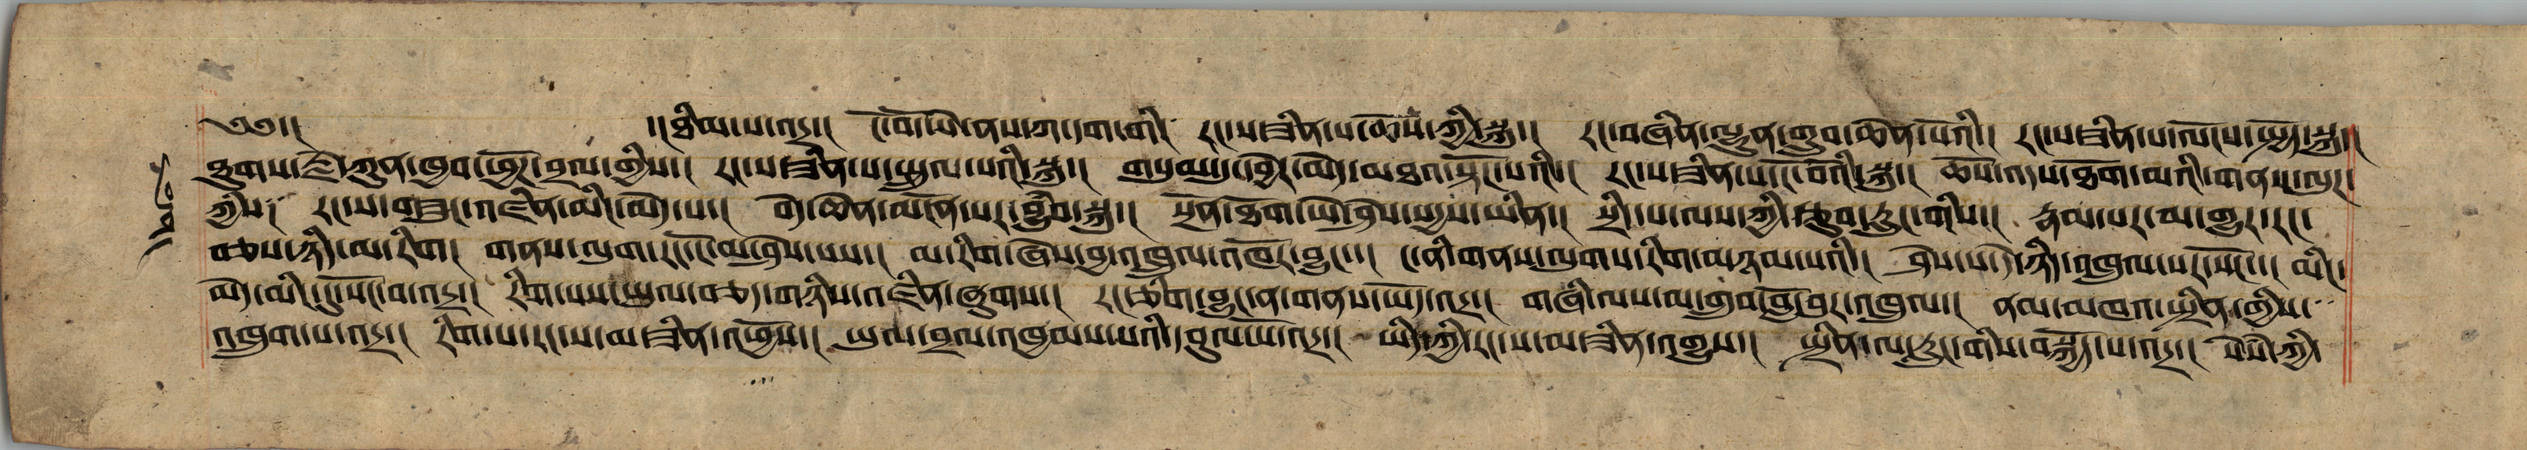༄༅་། ་།ཐིམ་པ་འདྲ་། ངོ་བོ་ཡེ་ནས་ཀ་དག་གི། རང་ས་ཟིན་པ་ཆོས་ཀྱི་སྐུ་། རང་བཞིན་ལྷུན་གྲུབ་ཆེན་པོའི་། རང་ས་ཟིན་པ་ལོངས་སྤྱོད་སྐུ
ཐུགས་རྗེ་ཀུན་ཁྱབ་ཕྱོཌ་བྲལ་གྱིས་། རང་ས་ཟིན་པ་སྤྲུལ་པའི་སྐུ་། གསུམ་དུ་དབྱེར་མེད་མཐའ་སྟོང་པའི་། རང་ས་ཟིན་པ་ངོ་བོའི་སྐུ་། ཆོས་འདས་ཐོག་མའི་གནས་ལུཌ་
ཀྱིས༑ རང་ས་གཟུང་འཛིན་མིང་མེད་པ་། བདེ་ཆེན་མངོན་པར་བྱུཾབ་སྐུ་། སྔོན་ཐོག་ཡེ་ཤེས་སདྱས་ཡིན་། སྲིད་པ་ལས་ཀྱི་རྩུབ་རླུང་གིས་། རྣམ་པར་མ་གྱུར་རང་
བཅས་ཉིད་མ་རིག། གནས་ལུག་རང་ངོ་མ་ཤེས་པས་། མ་རིག་ཞེས་བྱ་འཁྲུལ་འཁོར་བྱུང་་། ང་ནི་གནས་ལུགས་རིག་མཉམ་པའི་། ཤེས་པ་དེ་ཉིད་འཁྲུལ་སར་སོང་་། མིང་
མེད་མིང་དུ་སོང་བ་འདྲ་། རིག་པས་ཡུལ་བཅད་གཉིས་འཛིན་ཞུགས་། རང་ཅིག་བྱུང་ན་གནས་ཡོད་འདྲ། གཞི་ལས་མ་གྲུབ་བློ་བུར་འཁྲུལ་། ནམ་མཁའ་སྤྲིན་གྱིས་
འཁྲུག་པ་འདྲ་། རིག་པ་རང་ས་མ་ཟིན་འཕྱོས་། ཡུལ་བྲལ་འཁྱམས་པའི་དབུལ་པོ་འདྲ་། ཡིད་ཀྱི་རང་ས་མ་ཟིན་འགྱུས་། སྤྲིན་ལ་རླུང་གིས་བསྐྱོད་པ་འདྲ་། སེཾས་ཀྱི་